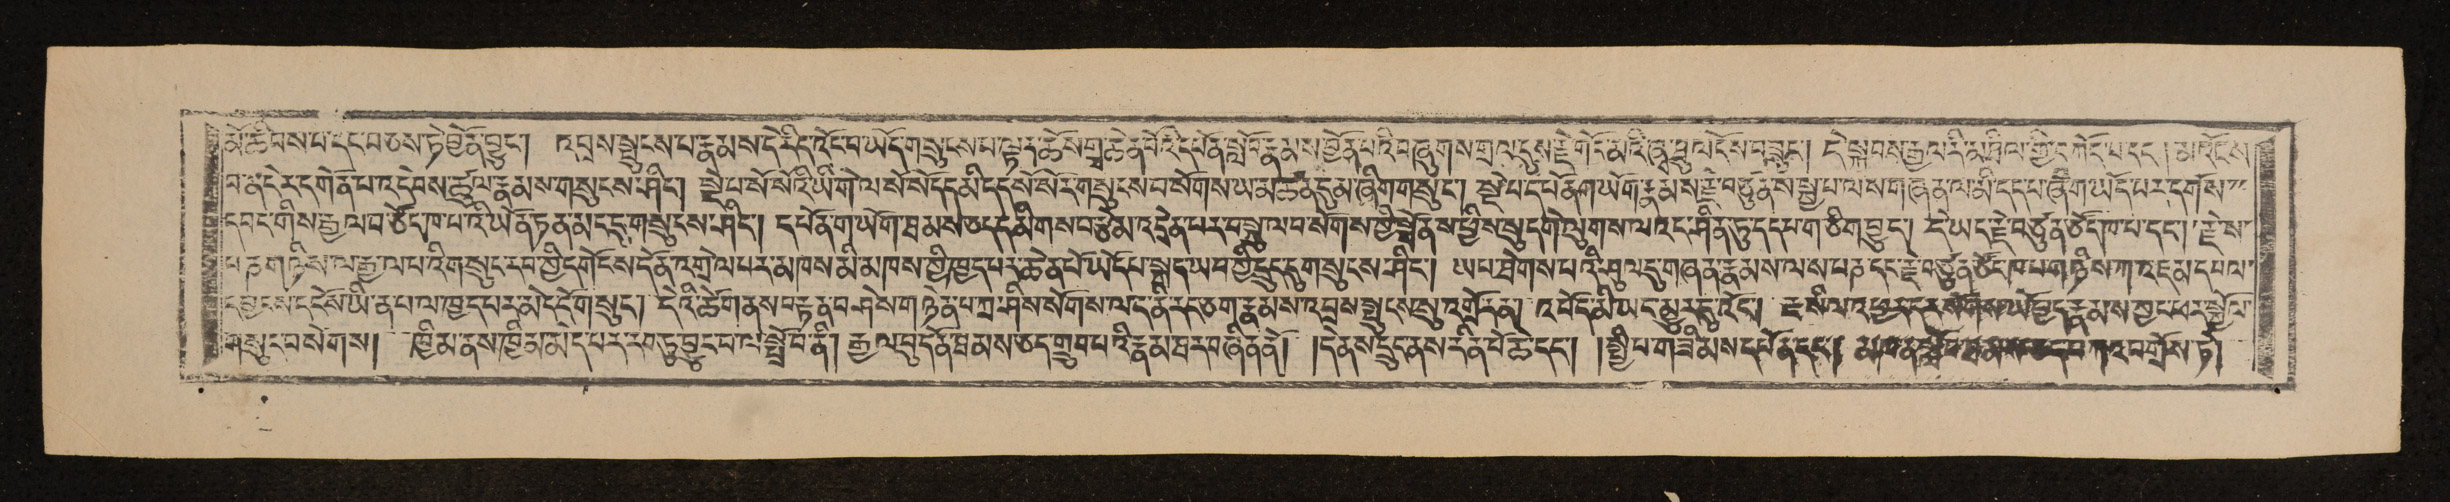མོ་ཆིབས་པ་དང་བཅས་ཏེ་བྱོན་བྱུང་། འབྲས་སྤུངས་པ་རྣམས་དེ་རིང་འོང་བ་ཡོད་གསུངས་པ་ལྟར་ཆོས་གླ་ཆེན་པོའི་དཔོན་སློབ་རྣམས་བྱོན་པའི་བཞུགས་གྲལ་དུས་རྗེ་གོང་མའི་ཞྭ་ཐུལ་ངོས་བཟུང་། དེ་སྐབས་རྒྱལ་རི་མཐིལ་གྱི་བཀོད་པ་དང་། མ་འོངས་
བ་ན་དེར་དགོན་པ་འདེབས་ཚུལ་རྣམས་གསུངས་ཤིང་། སྡེ་པ་སོ་སོའི་ཡི་གེ་ལ་སོ་སོ་དང་མི་དང་སོ་སོར་གསུངས་པ་སོགས་ཡ་མཚན་དུ་མ་ཞིག་གསུང་། སྡེ་པ་དཔོན་གཡོག་རྣམས་རྗེ་བཙུན་ས་སྐྱ་པ་ལས་གཞན་ལ་མི་དད་པ་ཞིག་ཡོད་བར་དགོས་
དབང་གིས་རྒྱལ་བ་ཙོང་ཁ་བའི་ཡོན་ཏན་མང་དུ་གསུངས་ཤིང་། དཔོན་གཡོག་ཐམས་ཅད་དམིགས་བརྩེམ་འདྲེན་པར་བསྐུལ་བ་སོགས་ཀྱི་སྒོ་ནས་ཕྱིས་སུ་དགེ་ལུགས་ལའང་ཤིན་ཏུ་དད་པ་གཅིག་བྱུང་། དེ་ཡང་རྗེ་བཙུན་ཙོང་ཁ་པ་དང་། རྗེས་
པཎ་གཉིས་ལ་རྒྱལ་བའི་གསུང་རབ་ཀྱི་དགོངས་དོན་འགྲེལ་པར་མཁས་མི་མཁས་ཀྱི་ཁྱད་པར་ཆེན་པོ་ཡོད་པ་སྐད་ཡབ་ཀྱི་དྲུང་དུ་གསུངས་ཤིང་། ཡབ་ཐེགས་པའི་ཤུལ་དུ་གཞན་རྣམས་ལ་ས་པཎ་དང་རྗེ་བཙུན་ཙོང་ཁ་བ་གཉིས་ཀ་འཇམ་དཔལ་
དབྱངས་དངོས་ཡིན་པ་ལ་ཁྱད་པར་མེད་དོ་གསུང་། དེའི་ཚེ་གནས་བརྟན་བཤེས་གཉེན་བཀྲ་ཤིས་སོགས་ལ་ད་ནི་རང་ཅག་རྣམས་འབྲས་སྤུངས་སུ་འགྲོ་ར་ན། འབོད་མི་ཡང་མྱུར་དུ་འོང་། རྔ་སིལ་འཕྱར་དར་སོགས་ཡོ་བྱད་རྣམས་ཀྱང་ཕར་སྐྱོལ་
གསུང་བ་སོགས། ཁྱིམ་ནས་ཁྱིམ་མེད་པར་རབ་ཏུ་བྱུང་བ་ལ་སྤྲོ་བ་ནི། རྒྱལ་བུ་དོན་ཐམས་ཅད་ཐུབ་བའི་རྣམ་ཐར་བཞིན་ནོ། །དེ་ནས་དྲུང་ནས་རིན་པོ་ཆེ་དང་། སྤྱི་པ་གཟིམས་དཔོན་དང་། མཁན་སློབ་ཐམས་ཅད་བཀའ་བགྲོས་ཏེ།